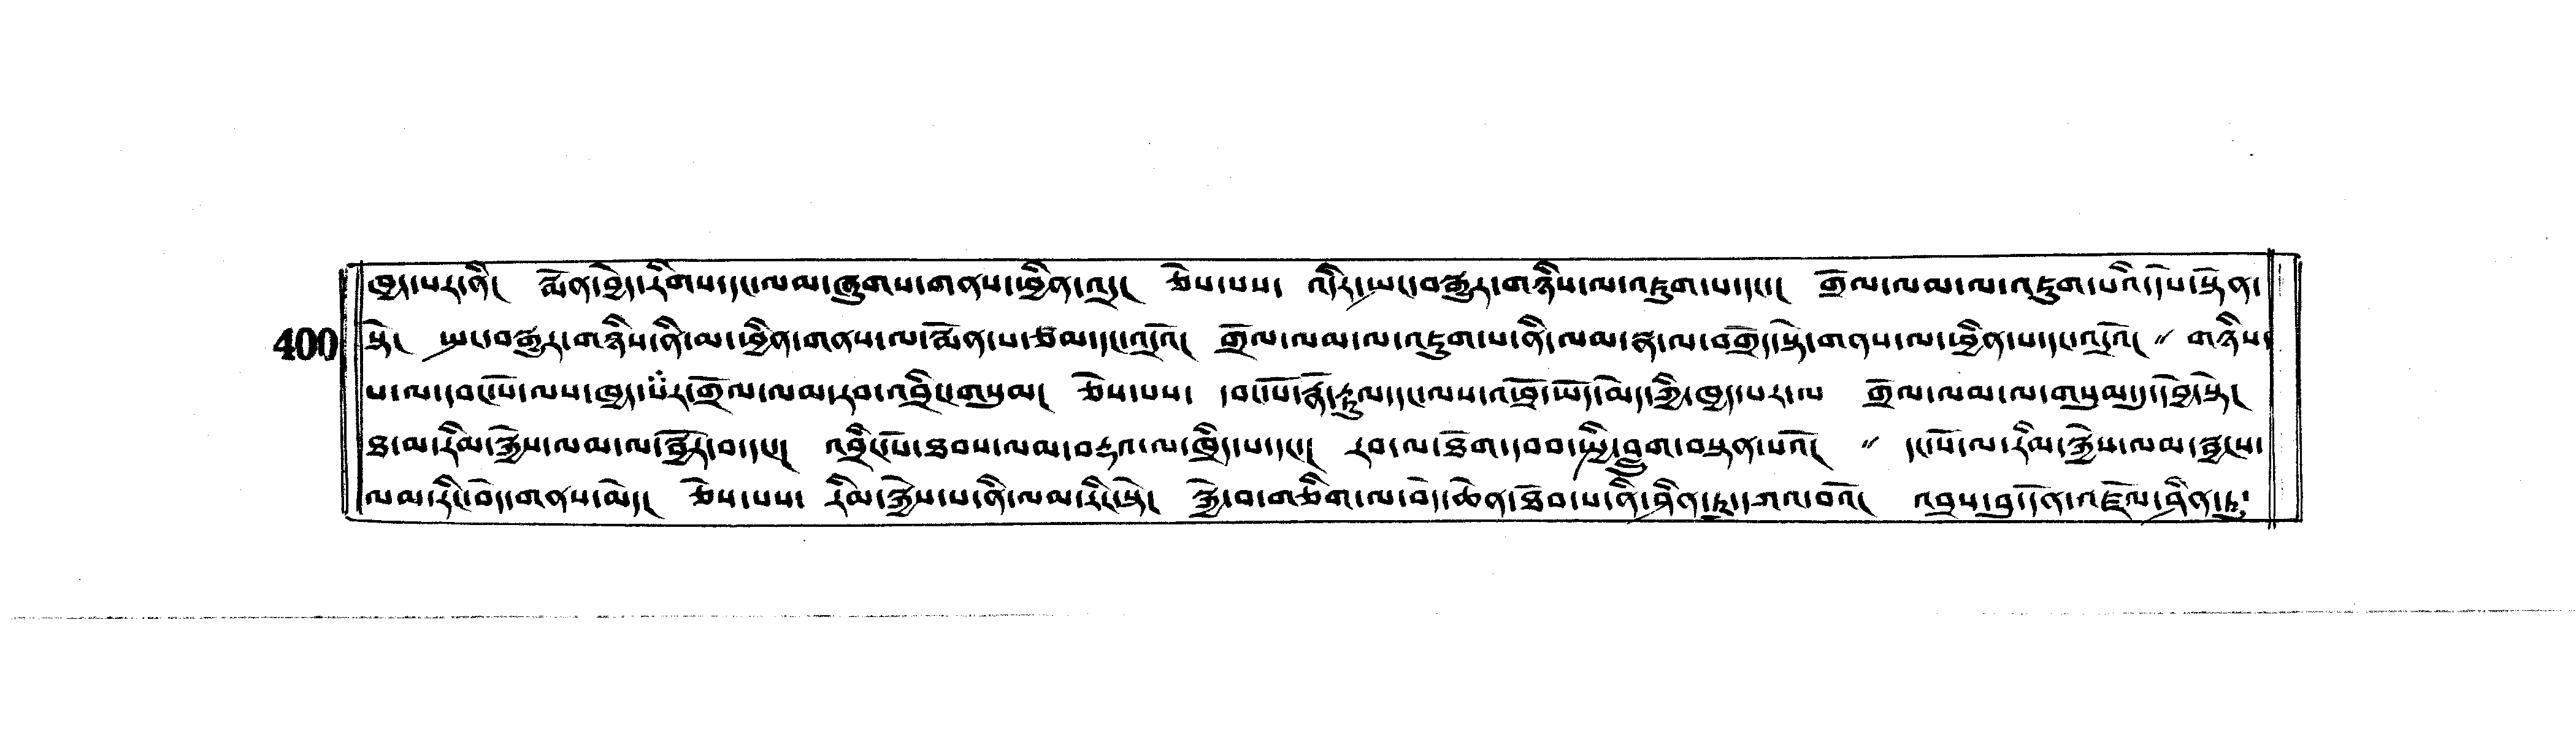ཁྱད་པར་ནི། སྨོན་བྱེད་རིགས་དང་ལམ་ཞུགས་གནས་ཕྱིན་འདྲ། ཅེས་པས། འདིར་སྤང་སྒྱུར་གཉིས་ལ་འཇུག་པ་དང་། གྲོལ་ལམ་ལ་འཇུག་པའི་དཔེ་སྟོན་
སྟེ། སྤང་སྒྱུར་གཉིས་ལ་མ་ཕྱིན་གནས་ལ་སྨོན་པ་ཙམ་དང་འདྲའོ། གྲོལ་ལ་འཇུག་པ་ནི་ལམ་སྣ་ལ་བགྲོད་དེ་གནས་ལ་ཕྱིན་པ་དང་འདྲའོ། ༧ གཉིས་
པ་ལ་དབང་པོ་ལས་ཁྱད་གྲོལ་ལམ་རབ་འབྲིང་གསུམ། ཅེས་པས། དབང་པོ་རྣོ་རྟུལ་དང་ལས་འཕྲོ་ཡོད་མེད་ཀྱི་ཁྱད་པར་ལ། གྲོལ་ལམ་ལ་གསུམ་དུ་དབྱེ་སྟེ། 
ཐ་མ་རིམ་སྐྱེས་ལམ་ལ་སྦྱོར་བ་དང་། འབྲིང་པོ་ཐབས་ལམ་བརྡ་ལ་ཁྲིད་པ་དང་། རབ་ལ་ཐོག་དབབ་སྤྱི་བླུག་བསྟན་པའོ། ༧ དང་པོ་ལ་རིམ་སྐྱེས་ལམ་སྦྱངས་
ལམ་རིང་བདེ་གནས་མེད། ཅེས་པས། རིམ་སྐྱེས་པ་ནི་ལམ་རིང་སྟེ། སྐྱེ་བ་གཅིག་ལ་བདེ་ཆེན་ཐོབ་པ་ནི་ཤིན་ཏུ་དཀའོ། འབྲས་བུ་དོན་འཛོལ་ཤིན་ཏུ་